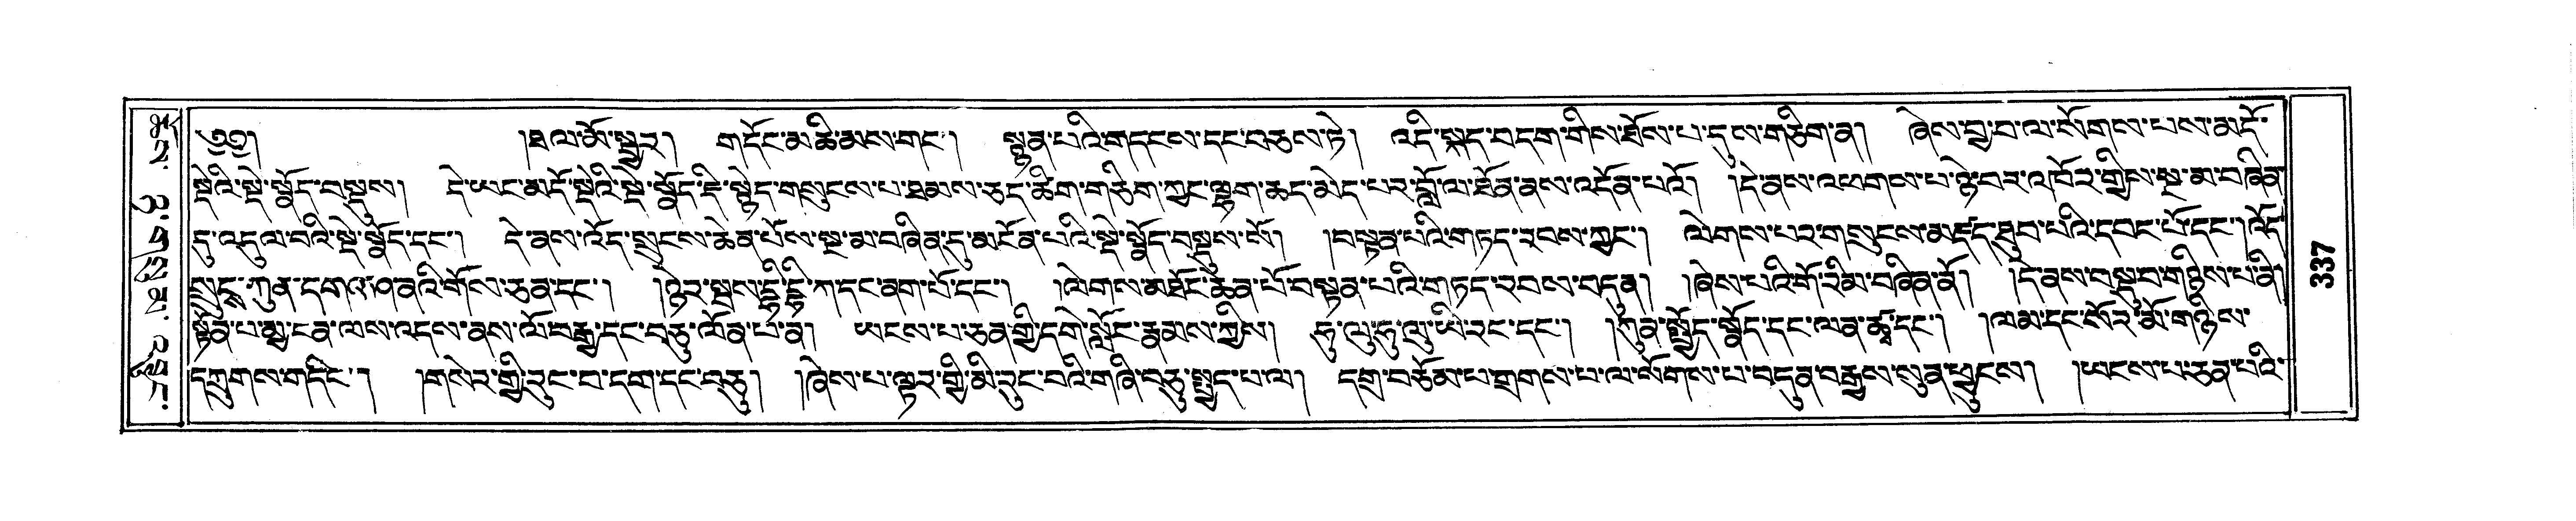༄༅། །ཐལ་མོ་སྦྱར། གདོང་མཆི་མས་གང་། སྙན་པའི་གདངས་དང་བཅས་ཏེ། འདི་སྐད་བདག་གིས་ཐོས་པ་དུས་གཅིག་ན། ཞེས་བྱ་བ་ལ་སོགས་པས་མདོ་
སྡེའི་སྡེ་སྣོད་བསྡུས། དེ་ཡང་མདོ་སྡེའི་སྡེ་སྣོད་ཇི་སྙེད་གསུངས་པ་ཐམས་ཅད་ཚིག་གཅིག་ཀྱང་ལྷག་ཆད་མེད་པར་བློ་ལ་ཐོན་ནས་འདོན་པའོ། །དེ་ནས་འཕགས་པ་ཉེ་བར་འཁོར་གྱིས་སྔ་མ་བཞིན་
དུ་འདུལ་བའི་སྡེ་སྣོད་དང་། དེ་ནས་འོད་སྲུངས་ཆེན་པོས་སྔ་མ་བཞིན་དུ་མངོན་པའི་སྡེ་སྣོད་བསྡུས་སོ། །བསྟན་པའི་གཏད་རབས་ཀྱང་། ལེགས་པར་གསུངས་མཛད་ཐུབ་པའི་དབང་པོ་དང་། འོད་
སྲུངས་ཀུན་དགའ་ཤ་ནའི་གོས་ཅན་དང་། །ཉེར་སྦས་དྷི་དྷི་ཀ་དང་ནག་པོ་དང་། །ལེགས་མཐོང་ཆེན་པོ་བསྟན་པའི་གཏད་རབས་བདུན། །ཞེས་པའི་གོ་རིམ་བཞིན་ནོ། །དེ་ནས་བསྡུ་བ་གཉིས་པ་ནི།
སྟོན་པ་མྱ་ངན་ལས་འདས་ནས་ལོ་བརྒྱ་དང་བཅུ་ལོན་པ་ན། ཡངས་པ་ཅན་གྱི་དགེ་སློང་རྣམས་ཀྱིས། ཧུ་ལུ་ཧུ་ལུ་ཡི་རང་དང་། །ཀུན་སྤྱོད་སྣོད་དང་ལན་ཚྭ་དང་། །ལམ་དང་སོར་མོ་གཉིས་
དཀྲུགས་གདིང་། །གསེར་གྱི་རུང་བ་དག་དང་བཅུ། །ཞེས་པ་ལྟར་གྱི་མི་རུང་བའི་གཞི་བཅུ་སྤྱད་པ་ལ། དགྲ་བཅོམ་པ་གྲགས་པ་ལ་སོགས་པ་བདུན་བརྒྱས་སུན་ཕྱུངས། །ཡངས་པ་ཅན་པའི་